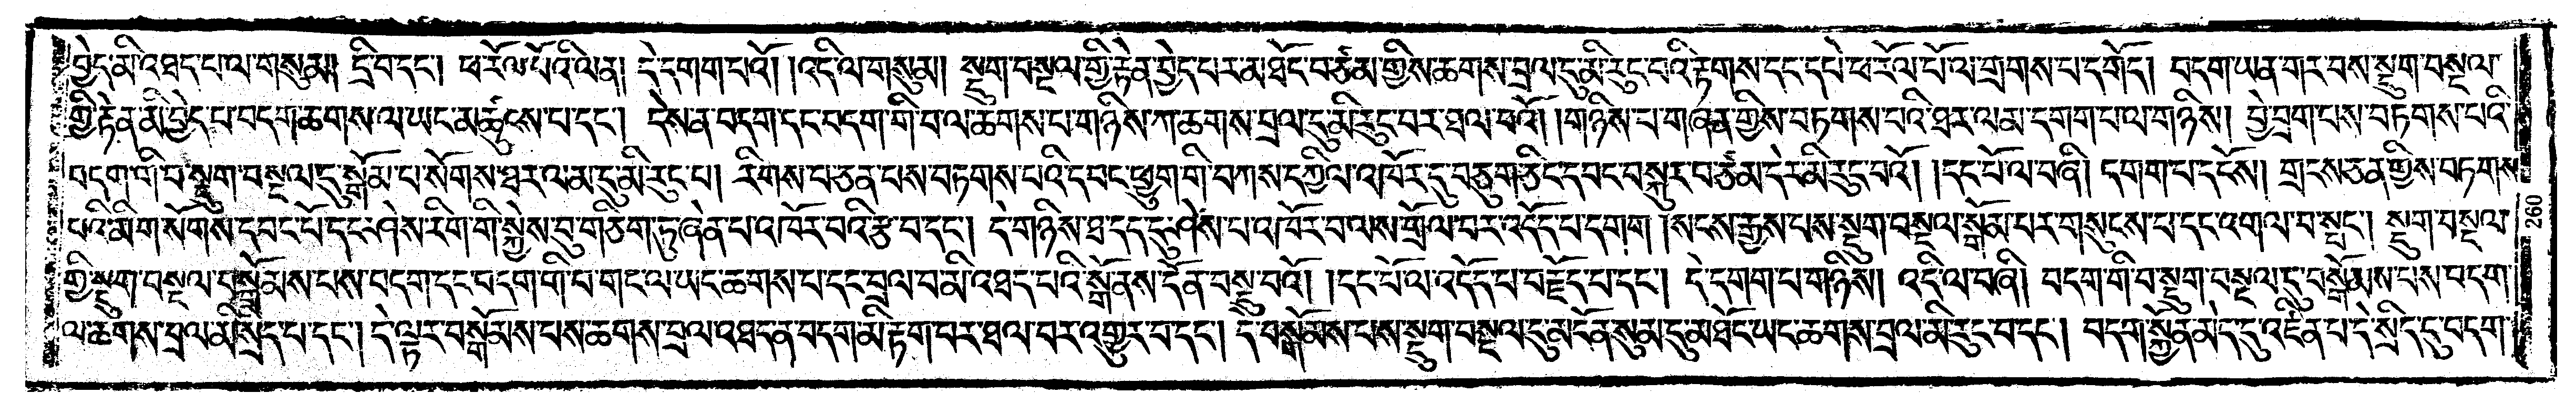བྱེད་མི་འཐད་པ་ལ་གསུམ། དྲི་བ་དང་། ཕ་རོལ་པོའི་ལན། དེ་དགག་པའོ། །འདི་ལ་གསུམ། སྡུག་བསྔལ་གྱི་རྟེན་བྱེད་པར་མཐོང་བ་ཙམ་གྱིས་ཆགས་བྲལ་དུ་མི་རུང་བའི་རྟགས་དང་དཔེ་ཕ་རོལ་པོ་ལ་གྲགས་པ་དགོད། བདག་ཡན་གར་བས་སྡུག་བསྔལ་
གྱི་རྟེན་མི་བྱེད་པ་བདག་ཆགས་ལ་ཡང་མཚུངས་པ་དང་། དེས་ན་བདག་དང་བདག་གི་བ་ལ་ཆགས་པ་གཉིས་ཀ་ཆགས་བྲལ་དུ་མི་རུང་བར་ཐལ་བའོ། །གཉིས་པ་གཞན་གྱིས་བཏགས་པའི་ཐར་ལམ་དགག་པ་ལ་གཉིས། བྱེ་བྲག་པས་བཏགས་པའི་
བདག་གི་བ་སྡུག་བསྔལ་དུ་སྒོམ་པ་སོགས་ཐར་ལམ་དུ་མི་རུང་པ། རིགས་པ་ཅན་པས་བཏགས་པའི་དབང་ཕྱུག་གི་བཀས་དཀྱིལ་འཁོར་དུ་བཅུག་ཅིང་དབང་བསྐུར་བ་ཙམ་དེར་མི་རུང་བའོ། །དང་པོ་ལ་བཞི། དགག་པ་དངོས། གྲངས་ཅན་གྱིས་བཏགས་
བའི་མིག་སོགས་དབང་པོ་དང་ཤེས་རིག་གི་སྐྱེས་བུ་གཅིག་ཏུ་ཞེན་པ་འཁོར་བའི་རྩ་བ་དང་། དེ་གཉིས་ཐ་དད་དུ་ཤེས་པ་འཁོར་བ་ལས་གྲོལ་བར་འདོད་པ་དགག །སངས་རྒྱས་པས་སྡུག་བསྔལ་སྒོམ་པར་གསུངས་པ་དང་འགལ་བ་སྤང་། སྡུག་བསྔལ་
གྱི་སྡུག་བསྔལ་བསྒོམས་པས་བདག་དང་བདག་གི་པ་གང་ལ་ཡང་ཆགས་པ་དང་བྲལ་བ་མི་འཐད་པའི་སྒོ་ནས་དོན་བསྡུ་བའོ། །དང་པོ་ལ་འདོད་པ་བརྗོད་པ་དང་། དེ་དགག་པ་གཉིས། འདི་ལ་བཞི། བདག་གི་བ་སྡུག་བསྔལ་དུ་བསྒོམས་པས་བདག་
ལ་ཆགས་བྲལ་མི་སྲིད་པ་དང་། དེ་ལྟར་བསྒོམས་པས་ཆགས་བྲལ་འཐད་ན་བདག་མི་རྟག་པར་ཐལ་བར་འགྱུར་བ་དང་། དེ་བསྒོམས་པས་སྡུག་བསྔལ་དུ་མངོན་སུམ་དུ་མཐོང་ཡང་ཆགས་བྲལ་མི་རུང་བ་དང་། བདག་སྐྱོན་མེད་དུ་འཛིན་པ་དེ་སྲིད་དུ་བདག་